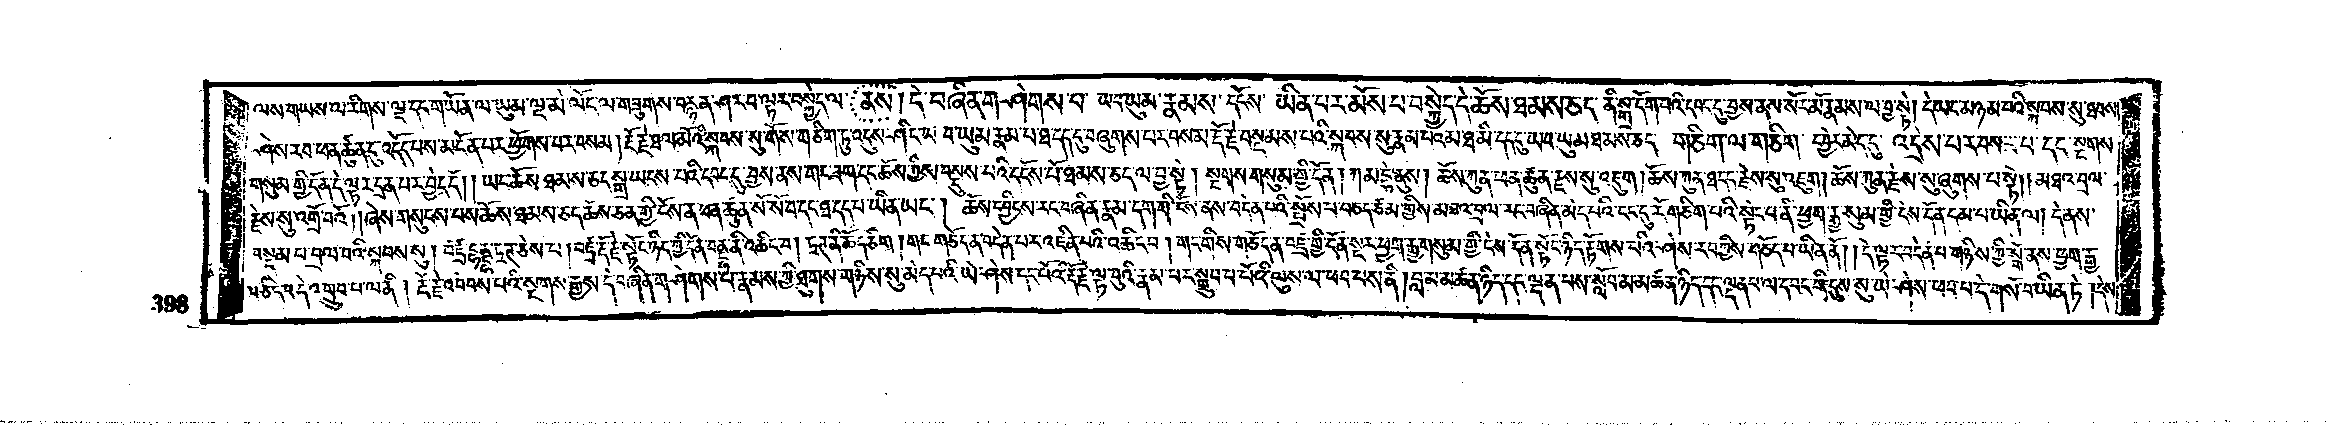ལས་གཡས་ལ་རིགས་ལྔ་དང་གཡོན་ལ་ཡུམ་ལྔ་མེ་ལོང་ལ་གཟུགས་བརྙན་ཤར་བ་ལྟར་བསྐྱེད་ལ་ནས། དེ་བཞིན་གཤེགས་པ་ཡབ་ཡུམ་རྣམས་དངོས་ཡིན་པར་མོས་པ་བསྐྱེད་དེ་ཆོས་ཐམས་ཅད་ནི་སྒྲ་དོག་པའི་དབང་དུ་བྱས་ནས་སོར་མ་རྣམས་ལ་བྱ་སྟེ། དེ་ཡང་མཉམ་པའི་སྐབས་སུ་ཐབས་
ཤེས་རབ་ཕན་ཚུན་དུ་འདོད་པས་མངོན་པར་ཕྱོགས་པར་བསམ། རྡོ་རྗེ་ཐལ་མོའི་སྐབས་སུ་གོ་ས་གཅིག་ཏུ་འདུས་ཤིང་ཡབ་ཡུམ་རྣམ་པ་ཐ་དད་བཞུགས་པར་བསམ་རྡོ་རྗེ་བསྡམས་པའི་སྐབས་སུ་རྣམས་པའམ་ཐ་མི་དད་དུ་ཡབ་ཡུམ་ཐམས་ཅད་གཅིག་ལ་གཅིག་དབྱེར་མེད་དུ་འདྲེས་པར་བསམ་པ་དང་སྔགས་
གསུམ་གྱི་དོན་དེ་ལྟར་དྲན་པར་བྱེད་དོ། །ཡོད་ཆོས་ཐམས་ཅད་སྒྲ་ཡངས་པའི་དབང་དུ་བྱས་ནས་གང་ཟག་དང་ཆོས་ཀྱིས་བསྡུས་པའི་དངོས་པོ་ཐམས་ཅད་ལ་བྱ་སྟེ། སྔགས་གསུམ་གྱི་དོན། །ཀ་མ་དྷེ་ནུས། ཆོས་ཀུན་ཕན་ཚུན་རྗེས་སུ་འཇུག། ཆོས་ཀུན་ཐ་དད་རྗེས་སུ་འཇུག། ཆོས་ཀུན་རྗེས་སུ་ཞུགས་པ་སྟེ། །མཐའ་བྲལ་
རྗེས་སུ་འགྲོ་བའོ། །ཞེས་གསུངས་པས་ཆོས་ཐམས་ཅད་ཆོས་ཅན་གྱི་ངོས་ན་ཕན་ཚུན་སོ་སོ་བ་དང་ཐ་དད་པ་ཡིན་ཡང་། ཆོས་དབྱིངས་རང་བཞིན་རྣམ་དག་གི་དོས་ནས་བདེན་པའི་སྤྲོས་པ་བཅད་ཙམ་གྱིས་མཐའ་བྲལ་རང་བཞིན་མེད་པའི་དང་དུ་རོ་གཅིག་པའི་སྟོང་པ་ནི་ཕྱག་རྒྱ་སུམ་གྱི་ངེས་དོན་དམ་པ་ཡིན་ལ། དེ་ནས་
བསྡམ་པ་བྲལ་བའི་སྐབས་སུ། བཛྲ་བྷནྡྷ་ཏྲཊ་ཅེས་པ། བཛྲ་རྡོ་རྗེ་སྟོང་ཉིད་ཀྱི་དོན་བནྡྷ་ནི་འཆིང་བ། ཏྲཊ་ནི་ཆོད་ཅིག། གང་གཅོད་ན་བདེན་པར་འཛིན་པའི་འཆིང་བ། གང་གིས་གཅོད་ན་བཛྲ་གྱི་དོན་སྔར་ཕྱག་རྒྱ་གསུམ་གྱི་ངེས་དོན་སྟོང་ཉིད་རྟོགས་པའི་ཤེས་རབ་ཀྱིས་གཅོད་པ་ཡིན་ནོ། །དེ་ལྟར་བདེན་པ་གཉིས་ཀྱི་སྒོ་ནས་ཕྱག་རྒྱ་
བཅིང་བདེ་འགུབ་པ་ལ་ནི། རྡོ་རྗེ་འབེབས་པའི་སྔགས་རྒྱས་དེ་དབྮིན་གཤེགས་པ་རྣམས་ཀྱི་ཐུགས་གཉིས་སུ་མེད་པའི་ཡེ་ཤེས་དང་པོའི་རྡོ་རྗེ་ལྟ་བུའི་རྣམ་པར་སྒུབ་པ་པོའི་ལུས་ལ་ཕབ་པས་ནི། བླ་མ་མཚན་ཉིད་དང་ལྡན་པས་སློབ་མ་མཚན་ཉིད་དང་ལྡན་པ་ལ་དབང་གི་དུས་སུ་ཡེ་ཤེས་ཕབ་པ་དེ་གསོ་བ་ཡིན་ཏེ། དེས་